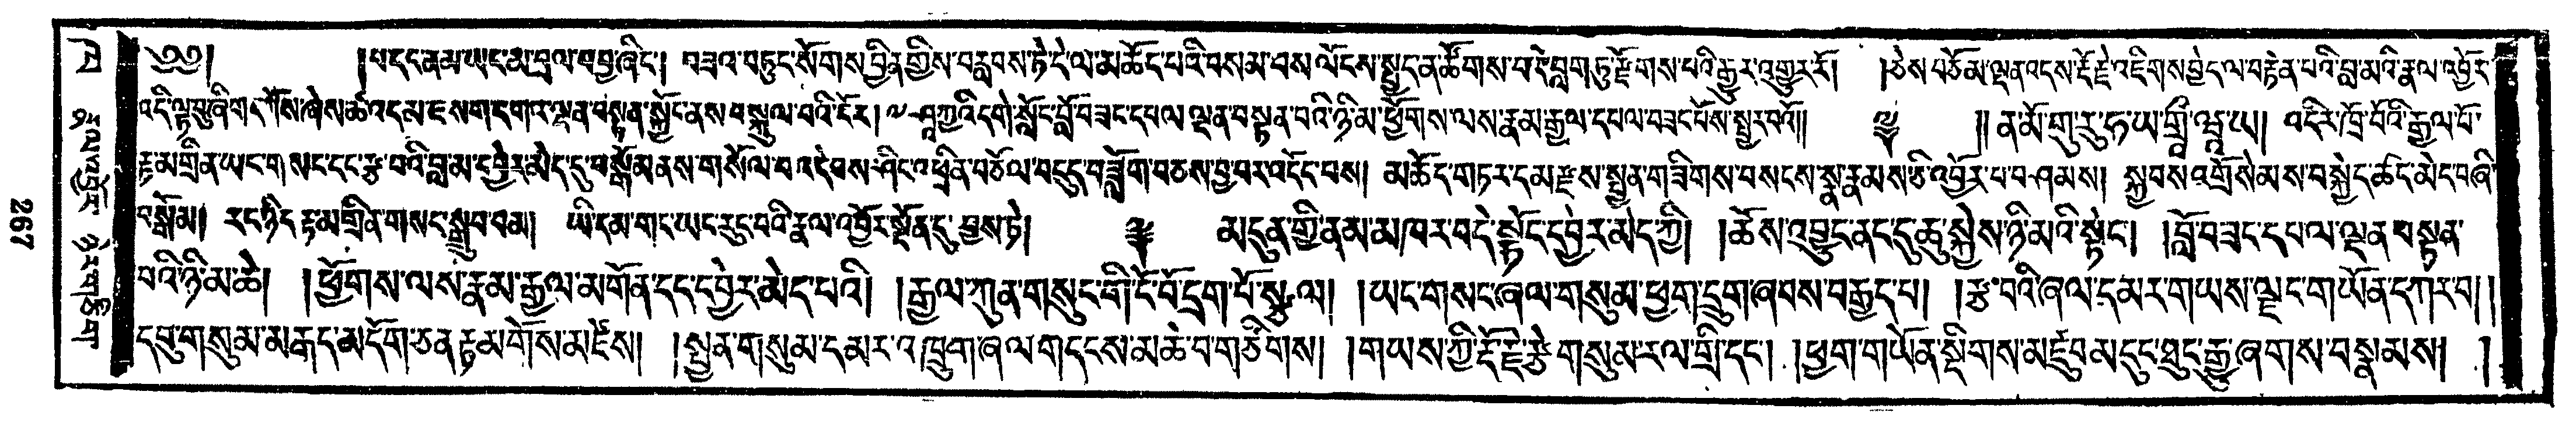༄༅། །བ་དང་ནམ་ཡང་མ་བྲལ་བ་བྱ་ཞིང་། བཟའ་བཏུང་སོགས་བྱིན་གྱིས་བརླབས་ཏེ་དེ་ལ་མཆོད་པའི་བསམ་བས་ལོངས་སྤྱད་ན་ཚོགས་བདེ་བླག་ཏུ་རྫོགས་པའི་རྒྱུར་འགྱུར་རོ། །ཅེས་བཅོམ་ལྡན་འདས་རྡོ་རྗེ་འཇིགས་བྱེད་ལ་བརྟེན་པའི་བླ་མའི་རྣལ་འབྱོར་
འདི་ལྟ་བུ་ཞིག་དགོས་ཞེས་ཚ་འདམ་ཇ་སག་དགའ་ལྡན་བསྟན་སྐྱོང་ནས་བསྐུལ་བའི་ངོར། ༧་ཤཱཀྱའི་དགེ་སློང་བློ་བཟང་དཔལ་ལྡན་བསྟན་པའི་ཉི་མ་ཕྱོགས་ལས་རྣམ་རྒྱལ་དཔལ་བཟང་པོས་སྦྱར་བའོ།། ༈ །།ན་མོ་གུ་རུ་ཧ་ཡ་གྲཱྀ་ཝཱ་ཡ། འདིར་ཁྲོ་བོའི་རྒྱལ་པོ་
རྟ་མགྲིན་ཡང་གསང་དང་རྩ་བའི་བླ་མ་དབྱེར་མེད་དུ་བསྒོམ་ནས་གསོལ་བ་འདེབས་ཤིང་འཕྲིན་བཅོལ་བདུད་བཟློག་བཅས་བྱ་བར་འདོད་པས། མཆོད་གཏར་དམ་རྫས་སྤྱན་གཟིགས་བསངས་སྣ་རྣམས་ཅི་འབྱོར་པ་བཤམས། སྐྱབས་འགྲོ་སེམས་བསྐྱེད་ཚད་མེད་བཞི་
བསྒོམ། རང་ཉིད་རྟ་མགྲིན་གསང་སྒྲུབ་བམ། ཡི་དམ་གང་ཡང་རུང་བའི་རྣལ་འབྱོར་སྔོན་དུ་བྱས་ཏེ། ༈ མདུན་གྱི་ནམ་མཁར་བདེ་སྟོང་དབྱེར་མེད་ཀྱི། །ཆོས་འབྱུང་ནང་དུ་ཆུ་སྐྱེས་ཉི་མའི་སྟེང་། །བློ་བཟང་དཔལ་ལྡན་བསྟན་
བའི་ཉི་མ་ཆེ། །ཕྱོགས་ལས་རྣམ་རྒྱལ་མགོན་དད་དབྱེར་མེད་པའི། །རྒྱལ་ཀུན་གསུང་གི་ངོ་བོ་དྲག་པོ་སྩལ། །ཡང་གསང་ཞལ་གསུམ་ཕྱག་དྲུག་ཞབས་བརྒྱད་པ། །རྩ་བའི་ཞལ་དམར་གཡས་ལྗང་གཡོན་དཀར་བ།།
དབུ་གསུམ་མརྒད་མདོག་ཅན་རྟ་མགོས་མཛེས། །སྤྱན་གསུམ་དམར་འཁྲུག་ཞལ་གདངས་མཆེ་བ་གཙིགས། །གཡས་ཀྱི་རྡོ་རྗེ་རྩེ་གསུམ་རལ་གྲི་དང་། །ཕྱག་གཡོན་སྡིགས་མཛུབ་མདུང་ཐུང་རྒྱུ་ཞགས་བསྣམས། །